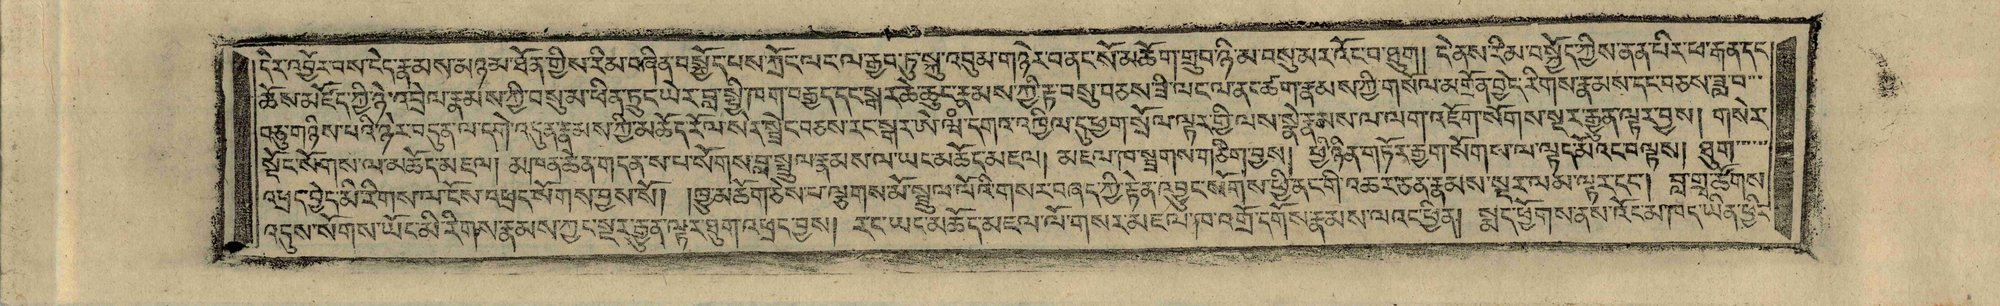དེར་འབྱོར་བས་ངེད་རྣམས་མཉམ་ཐོན་གྱིས་རིམ་བཞིན་བསྐྱོད་པས་ཀྲོང་ལང་ལ་རྒྱབ་ཏུ་སྐུ་འབུམ་གཉེར་བ་ནང་སོ་མཆོག་གྲུབ་ཉི་མ་བསུ་མར་འོང་བ་ཐུག །དེ་ནས་རིམ་བསྐྱོད་ཀྱིས་ནན་པིར་ཕ་རྒན་དང་
ཆོས་མཛོད་ཀྱི་ཉེ་འབྲེལ་རྣམས་ཀྱི་བསུ་མ་ཕིན་ཏྲུང་ཡེར་བླ་སྤྱི་ཁག་བརྒྱད་དང་སྒར་ཆེ་ཆུང་རྣམས་ཀྱི་རྟ་བསུ་བཅས་ཟི་ལང་ལ་ནང་ཚག་རྣམས་ཀྱི་གསོལ་མགྲོན་བྱེད་རིགས་རྣམས་དང་བཅས་ཟླ་བ་
བཅུ་གཉིས་པའི་ཉེར་བདུན་ལ་དགེ་འདུན་རྣམས་ཀྱི་མཆོད་རོལ་སེར་སྦྲེང་བཅས་རང་སྒར་ཨེ་ཝཾ་དགའ་འཁྱིལ་དུ་ཕྱག་སྲོལ་ལྟར་གྱི་ལས་སྣེ་རྣམས་ལ་ལག་འཇོག་སོགས་སྔར་རྒྱུན་ལྟར་བྱས། གསེར་
སྡོང་སོགས་ལ་མཆོད་མཇལ། མཁན་ཆེན་གདན་ས་པ་སོགས་བླ་སྤྲུལ་རྣམས་ལ་ཡང་མཆོད་མཇལ། མཇལ་ཁ་སྦྲགས་གཅིག་བྱས། ཕྱི་ཉིན་གཏོར་རྒྱག་སོགས་ལ་ལྟད་མོའང་བལྟས། ཐུག་
འཕྲད་བྱེད་མི་རིགས་ལ་ངོས་འཕྲད་སོགས་བྱས་སོ། །ཁྱུ་མཆོག་ཅེས་པ་ལྕགས་མོ་སྦྲུལ་ལོའི་གསར་བཞད་ཀྱི་རྟེན་འབྱུང་སོགས་ཕྱི་ནང་གི་འཆར་ཅན་རྣམས་སྔར་ལམ་ལྟར་དང་། བླ་གྲྭ་ཚོགས་
འདུས་སོགས་ཡོང་མི་རིགས་རྣམས་ཀྱང་སྔར་རྒྱུན་ལྟར་ཐུག་འཕྲད་བྱས། རང་ཡང་མཆོད་མཇལ་ལོ་གསར་མཇལ་ཁ་འགྲོ་དགོས་རྣམས་ལའང་ཕྱིན། སྨད་ཕྱོགས་ནས་འོང་མ་ཁད་ཡིན་ཕྱིར་